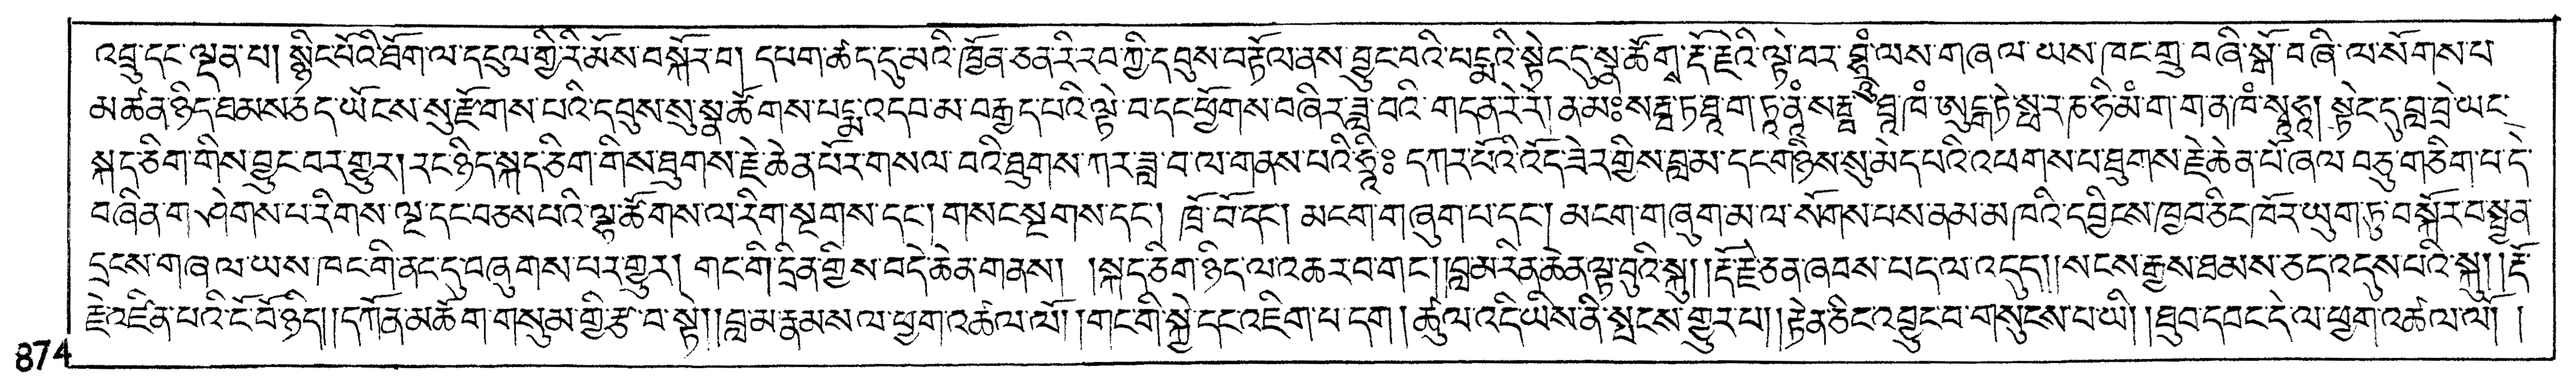འབྲུ་དང་ལྡན་པ། སྙིང་པོའི་ཐོག་ལ་དངུལ་གྱི་རི་མོས་བསྐོར་བ། དཔག་ཚད་དུ་མའི་ཁྱོན་ཅན་རི་རབ་ཀྱི་དབུས་བརྟོལ་ནས་བྱུང་བའི་པདམའི་སྟེང་དུ་སྣ་ཚོགས་རྡོ་རྗེའི་ལྟེ་བར་བྷྲཱུཾ་ལས་གཞལ་ཡས་ཁང་གྲུ་བཞི་སྒོ་བཞི་ལ་སོགས་པ་
མཚན་ཉིད་ཐམས་ཅད་ཡོངས་སུ་རྫོགས་པའི་དབུས་སུ་སྣ་ཚོགས་པདམ་འདབ་མ་བརྒྱད་པའི་ལྟེ་བ་དང་ཕྱོགས་བཞིར་ཟླ་བའི་གདན་རེ་རེ། ན་མཿ སརྦྦ་ཏ་ཐཱ་ག་ཏཱ་ནཱཾ་སརྦྦ་ཐཱ་ཁཾ་ཨུདག་ཏེ་སྥ་ར་ཎ་ཧི་མཾ་ག་ག་ན་ཁཾ་སྭཱཧཱ། སྟེང་དུ་བླ་བྲེ་ཡང་
སྐད་ཅིག་གིས་བྱུང་བར་གྱུར། རང་ཉིད་སྐད་ཅིག་གིས་ཐུགས་རྗེ་ཆེན་པོར་གསལ་བའི་ཐུགས་ཀར་ཟླ་བ་ལ་གནས་པའི་ཧྲཱིཿ དཀར་པོའི་འོད་ཟེར་གྱིས་བླ་མ་དང་གཉིས་སུ་མེད་པའི་འཕགས་པ་ཐུགས་རྗེ་ཆེན་པོ་ཞལ་བཅུ་གཅིག་པ་དེ་
བཞིན་གཤེགས་པ་རིགས་ལྔ་དང་བཅས་པའི་ལྷ་ཚོགས་ལ་རིག་སྔགས་དང་། གསང་སྔགས་དང་། ཁྲོ་བོ་དང་། མངག་གཞུག་པ་དང་། མངག་གཞུག་མ་ལ་སོགས་པས་ནམ་མཁའི་དབྱིངས་ཁྱབ་ཅིང་ཁོར་ཡུག་ཏུ་བསྐོར་བ་སྤྱན་
དྲངས་གཞལ་ཡས་ཁང་གི་ནང་དུ་བཞུགས་པར་གྱུར། གང་གི་དྲིན་གྱིས་བདེ་ཆེན་གནས། །སྐད་ཅིག་ཉིད་ལ་འཆར་བ་གང་། །བླ་མ་རིན་ཆེན་ལྟ་བུའི་སྐུ། །རྡོ་རྗེ་ཅན་ཞབས་པད་ལ་འདུད། །སངས་རྒྱས་ཐམས་ཅད་འདུས་པའི་སྐུ། །རྡོ་
རྗེ་འཛིན་པའི་ངོ་བོ་ཉིད། །དཀོན་མཆོག་གསུམ་གྱི་རྩ་བ་སྟེ། །བླ་མ་རྣམས་ལ་ཕྱག་འཚལ་ལོ། །གང་གི་སྐྱེ་དང་འཇིག་པ་དག །ཚུལ་འདི་ཡིས་ནི་སྤངས་གྱུར་པ། །རྟེན་ཅིང་འབྱུང་བ་གསུངས་པ་ཡི། །ཐུབ་དབང་དེ་ལ་ཕྱག་འཚལ་ལོ། །